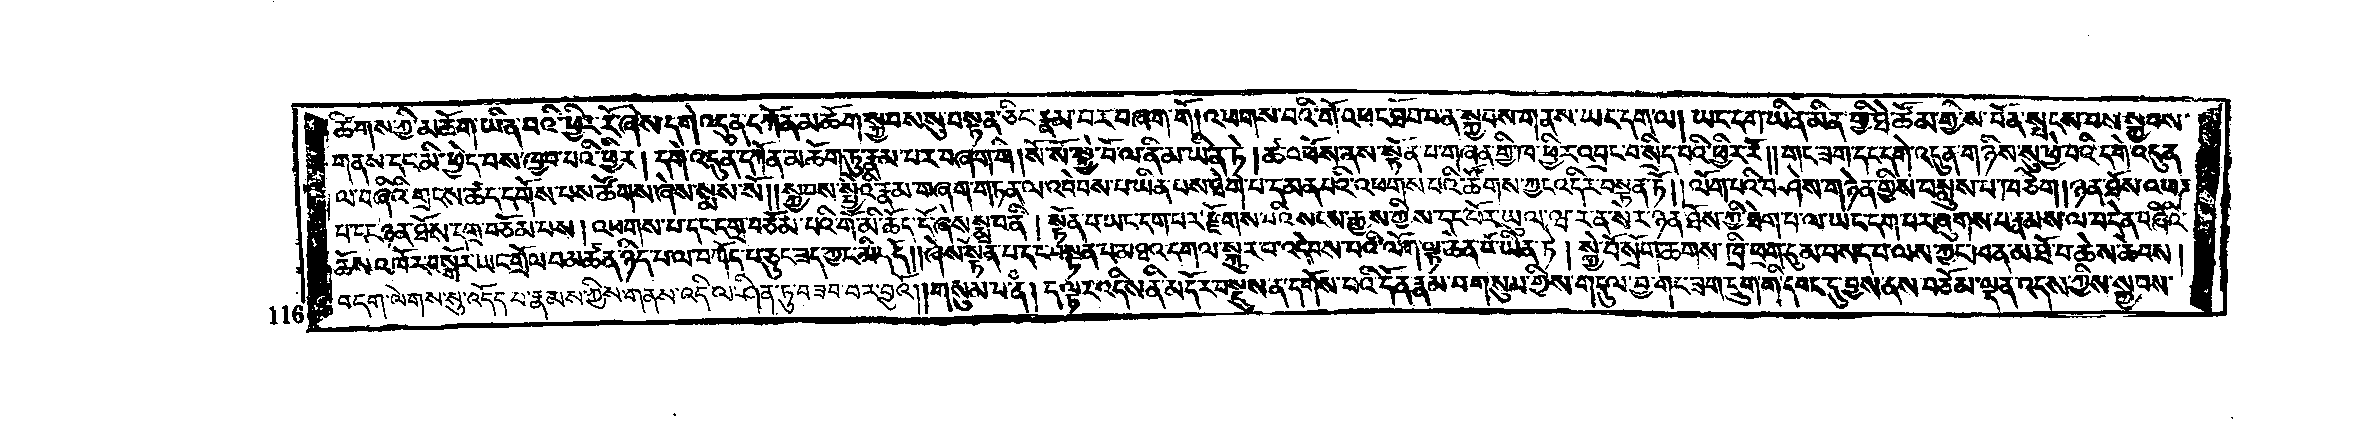ཚིགས་ཀྱི་མཆོག་ཡིན་པའི་ཕྱིར་རོ་ཞེས་དགེ་འདུན་དཀོན་མཆོག་སྐྱབས་སུ་བསྟན་ཅིང་རྣམ་པར་བཞག་གོ །འཕགས་པའི་གོ་འཕང་ཐོབ་པ་ན་སྐྱབས་གནས་ཡང་དག་ལ། ཡང་དག་ཡིན་མིན་གྱི་ཐེ་ཚོམ་གྱི་ས་བོན་སྤངས་པས་སྐྱབས་
གནས་དང་མི་ཕྱེད་པས་ཁྱབ་པའི་ཕྱིར། དགེ་འདུན་དཀོན་མཆོག་ཏུ་རྣམ་པར་བཞག་གི །སོ་སོ་སྐྱེ་བོ་ལ་ནི་མ་ཡིན་ཏེ། ཚེ་འཕོས་ནས་སྟོན་པ་གཞན་གྱི་ཁ་ཕྱིར་འབྲང་བ་སྲིད་པའི་ཕྱིར་རོ། །གང་ཟག་དང་དགེ་འདུན་གཉིས་སུ་ཕྱེ་བའི་དགེ་འདུན་
ལ་བཞིའི་གྲངས་ཚད་དགོས་པས་ཚོགས་ཞེས་སྨས་སོ། །སྐྱབས་སྤྱིའི་རྣམ་གཞག་གཏན་ལ་འབེབས་པ་ཡིན་པས་ཐེག་པ་དམན་པའི་འཕགས་པའི་ཚོགས་ཀྱང་འདིར་བསྟན་ཏོ། །ལོག་པའི་བཤེས་གཉེན་གྱིས་བསླུས་པ་ཁ་ཅིག །ཉན་ཐོས་འཕགས་
པ་དང་ཉན་ཐོས་དགྲ་བཅོམ་པས། འཕགས་པ་དང་དགྲ་བཅོམ་པའི་གོ་མི་ཆོད་དོ་ཞེས་སྨྲ་བ་ནི། སྟོན་པ་ཡང་དག་པར་རྫོགས་པའི་སངས་རྒྱས་ཀྱི་ས་དང་པོར་ཡུལ་ཝ་ར་ན་སེར་ཉན་ཐོས་ཀྱི་ཐེག་པ་ལ་ཡང་དག་པར་ཞུགས་པ་རྣམས་ལ་བདེན་བཞིའི་
ཆོས་འཁོར་བསྒོར་ཡང་གྲོལ་བ་མཚན་ཉིད་པ་ལ་བཀོད་པ་ཅུང་ཟད་ཀྱང་མིད་དོ། །ཞེས་སྟོན་པ་དང་བསྟན་པ་མཐའ་དག་ལ་སྐུར་བ་འདེབས་པའི་ལོག་ལྟ་ཆེན་པོ་ཡིན་ཏེ། སྐྱེ་བོ་སྲོག་ཆགས་ཁྲི་ཕྲག་དུ་མ་བསད་པ་ལས་ཀྱང་ཁ་ན་མ་ཐོ་བ་ཆེས་ཆེ་པས།
བདག་ལེགས་སུ་འདོད་པ་རྣམས་ཀྱིས་གནས་འདི་ལ་ཤིན་ཏུ་བཟབ་པར་བྱའོ། །གསུམ་པ་ནི། དེ་ལྟར་འདིས་ནི་མདོར་བསྡུས་ན་དགོས་པའི་དོན་རྣམ་པ་གསུམ་གྱིས་གདུལ་བྱ་གང་ཟག་དྲུག་གི་དབང་དུ་བྱས་ནས་བཅོམ་ལྡན་འདས་ཀྱིས་སྐྱབས་